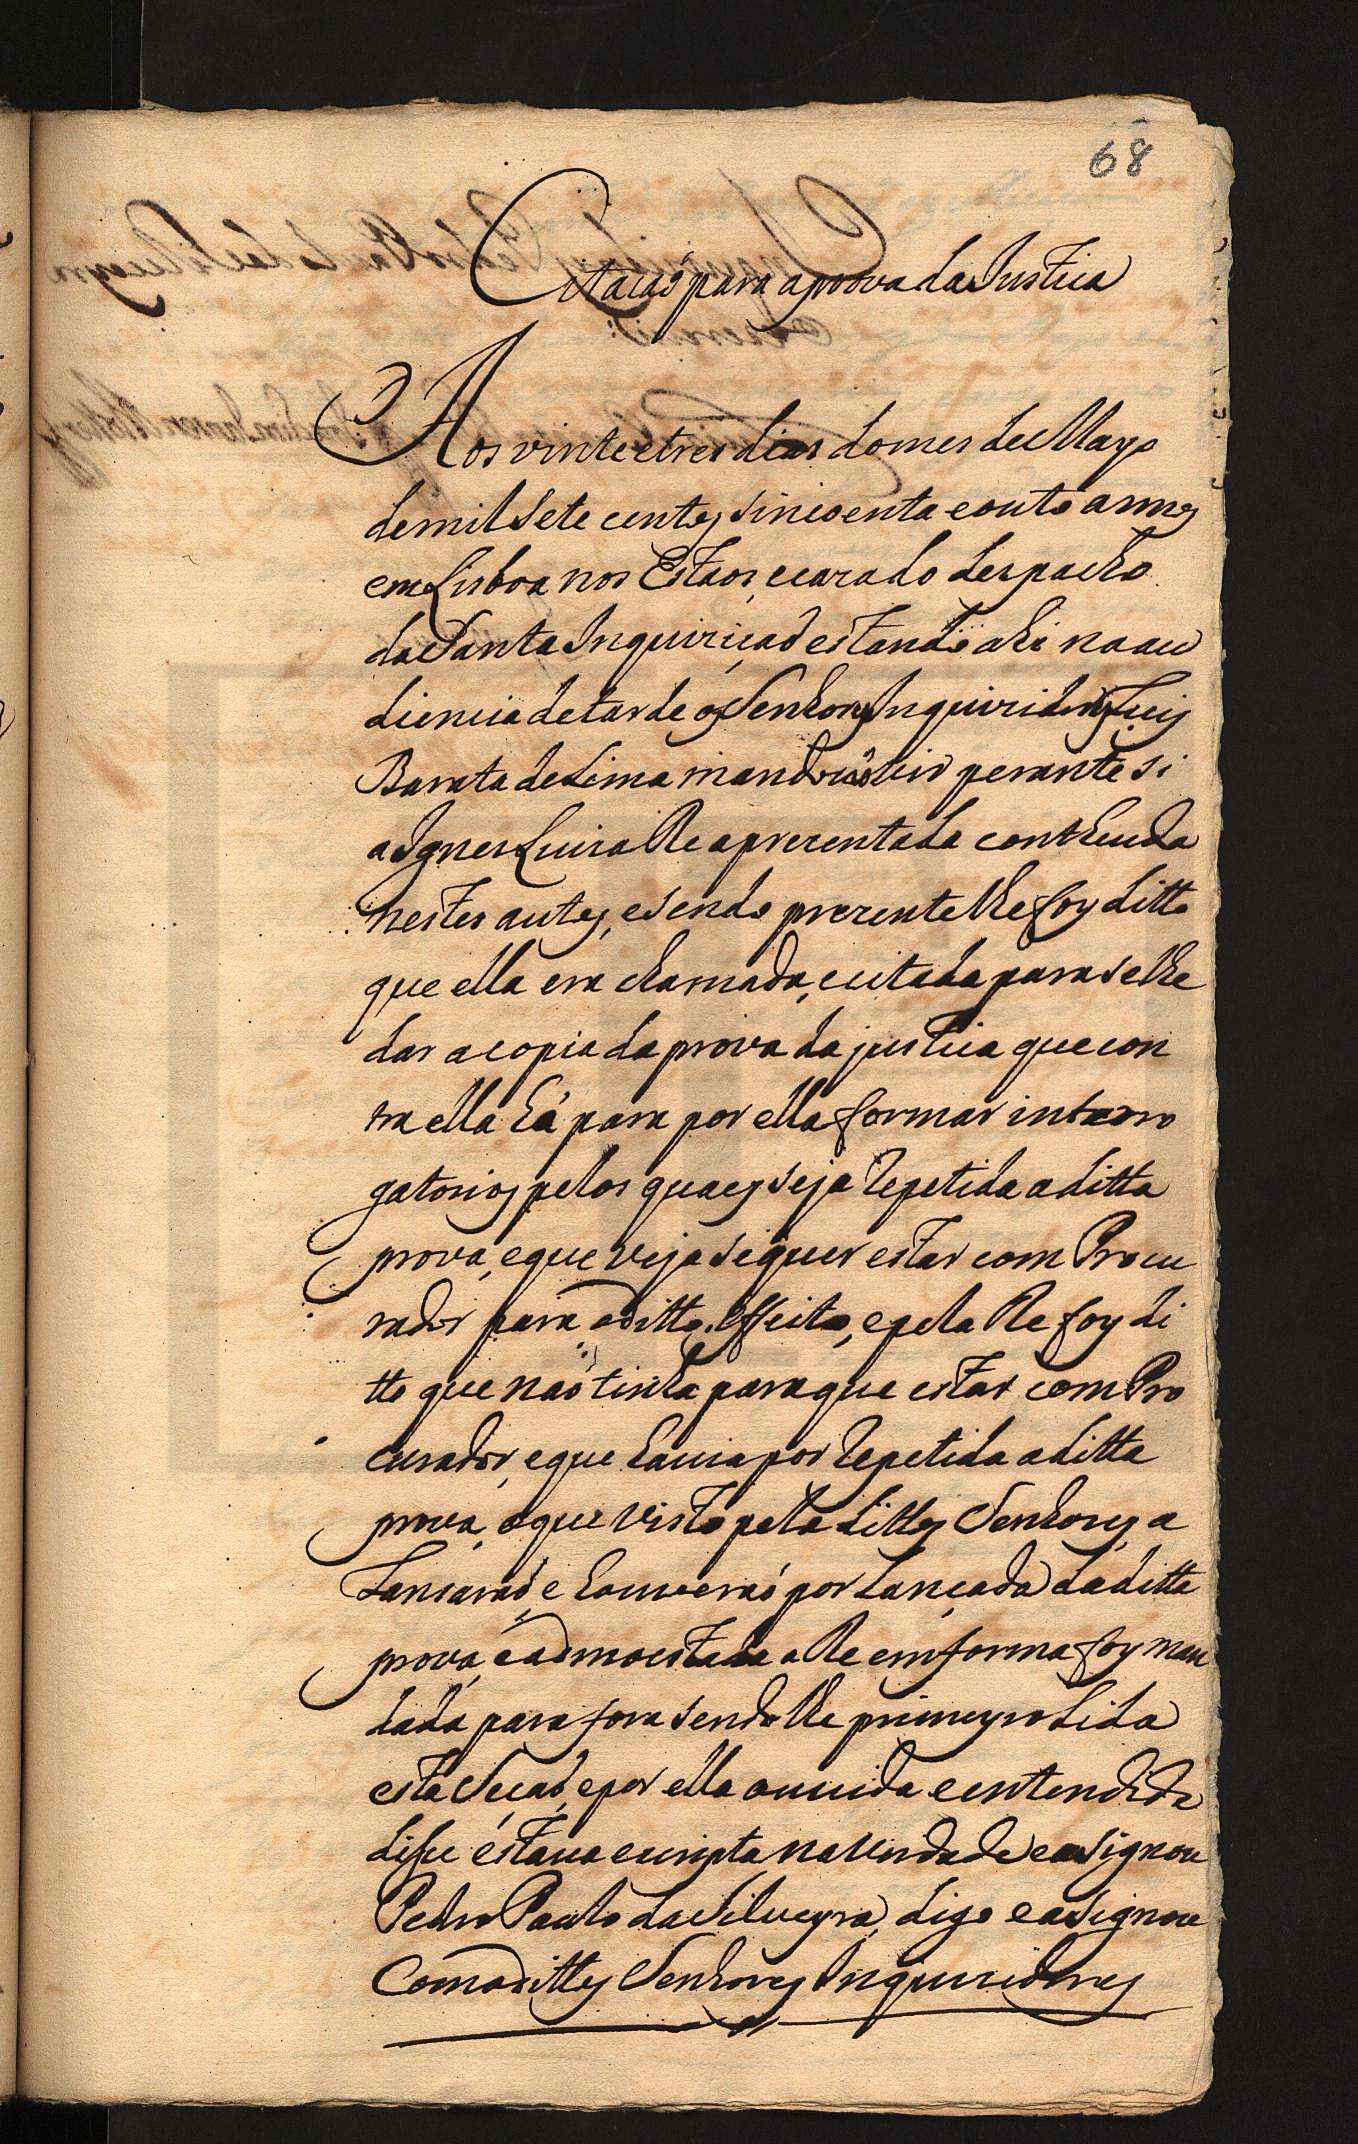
Citaçaõ para a prova da Iustiça
Aos vinte e tres dias do mes de Mayo
de mil setecentos sincoenta e outo annos
em Lisboa nos Estaos, e caza do despacho
da Santa Inquiziçaõ estando ahi na au
diencia de tarde o Senhor Inquizidores Luis
Barata de Lima mandoraõ vir perante si
a Ignes Luiza Re aprezentada contheuda
nestes autos, e sendo prezente lhe foy ditto
que ella era chamada, e citada para se lhe
dar a copia da prova da justiça que con
tra ella há para por ella formar interro
gatorios pelos quaes seja Repetida a ditta
prova, e que veja se quer estar com Procu
rador para o ditto effeito, e pela Re foy di
tto que naõ tinha para que estar com Pro
curador, e que hauia por Repetida a ditta
prova, o que visto pelo dittos Senhores, a
Lansaraõ, e houveraõ por Lançada da ditta
prova, e admoestada a Re em forma foy man
dada para fora sendolhe primeyro Lida
esta Seçaõ, e por ella ouuida e entendida
disse estaua escripta na verdade e asignou
Pedro Paulo da Silueyra, digo e asignou
Com o dittos Senhores Inquizidores
